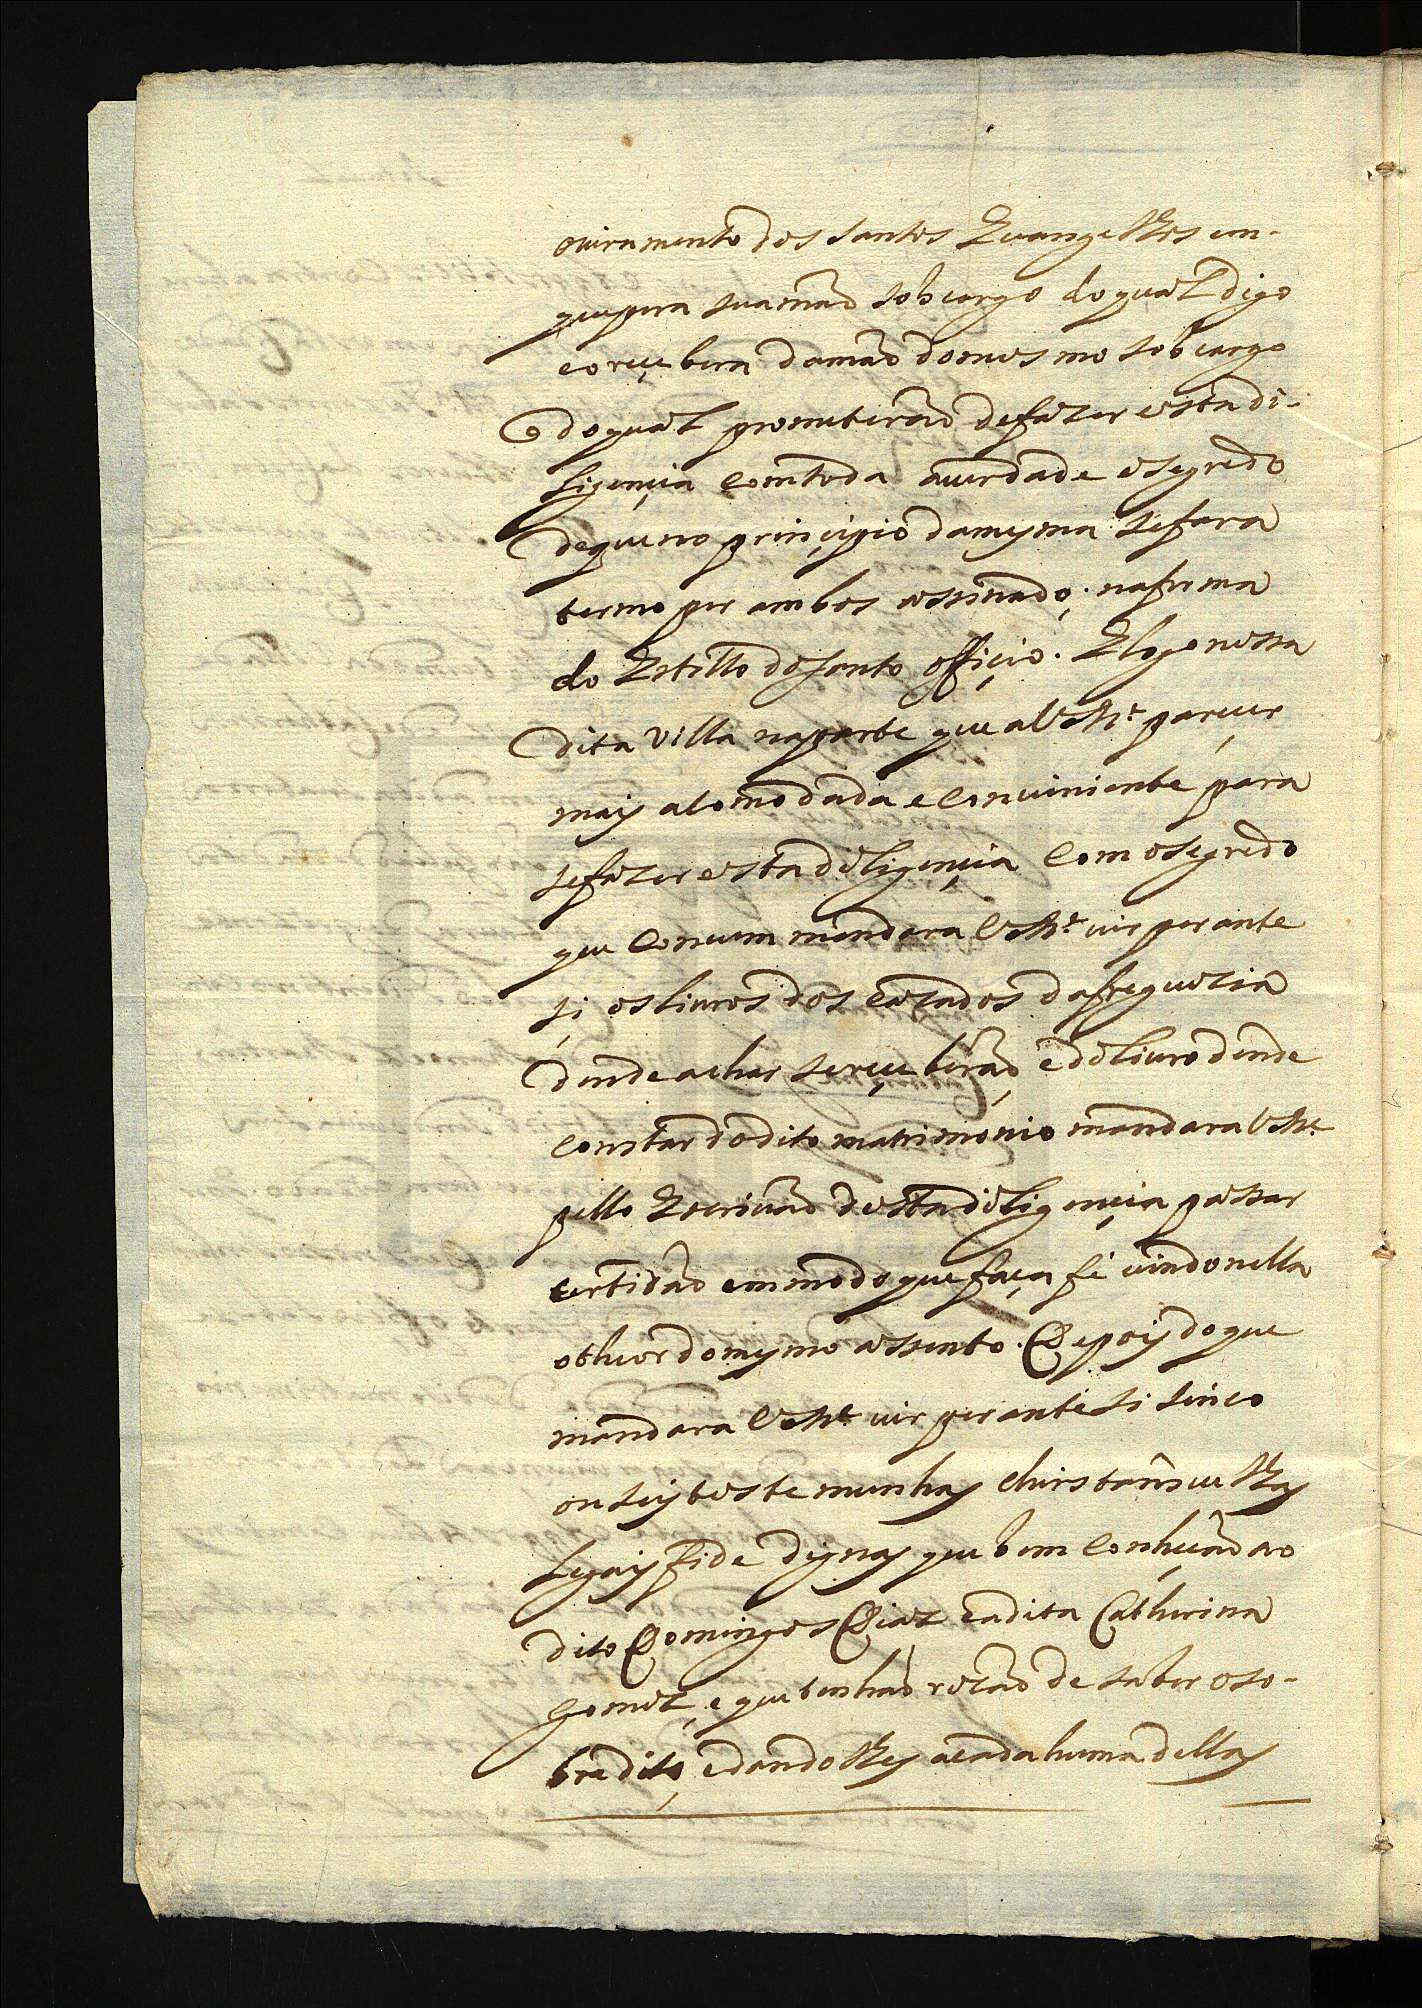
o iuramento dos santos Euangelhos em
que pera sua maõ sob cargo do qual digo
e o recebera da maõ do mesmo sob cargo
do qual prometeraõ de fazer esta di
Ligençia com toda a uerdade e segredo
de que no principio da mesma se fara
termo por ambos assinado; na forma
do Estillo do santo officio. E logo nessa
dita villa na parte que a V M.e parecer
mais acomodada e conuiniente para
se fazer esta deligencia com o segredo
que conuem mandara V M.e uir perante
si, os liuros dos cazados da freguezia
donde achar se receberaõ, e do liuro donde
constar do dito matrimonio mandará V M.e
pello Escriuaõ desta diligencia passar
certidaõ em modo que faça fé uindo nella
o theor do mesmo assento. Depois do que
mandara V M.e uir perante si sinco
ou seis testemunhas christan̄s uelhas
Legais fidedignas, que bem conheçaõ ao
dito Domingos Diaz e a dita Catherina
gomez, e que tenhaõ rezaõ de saber o so
bredito, e dandolhes a cada huma dellas
